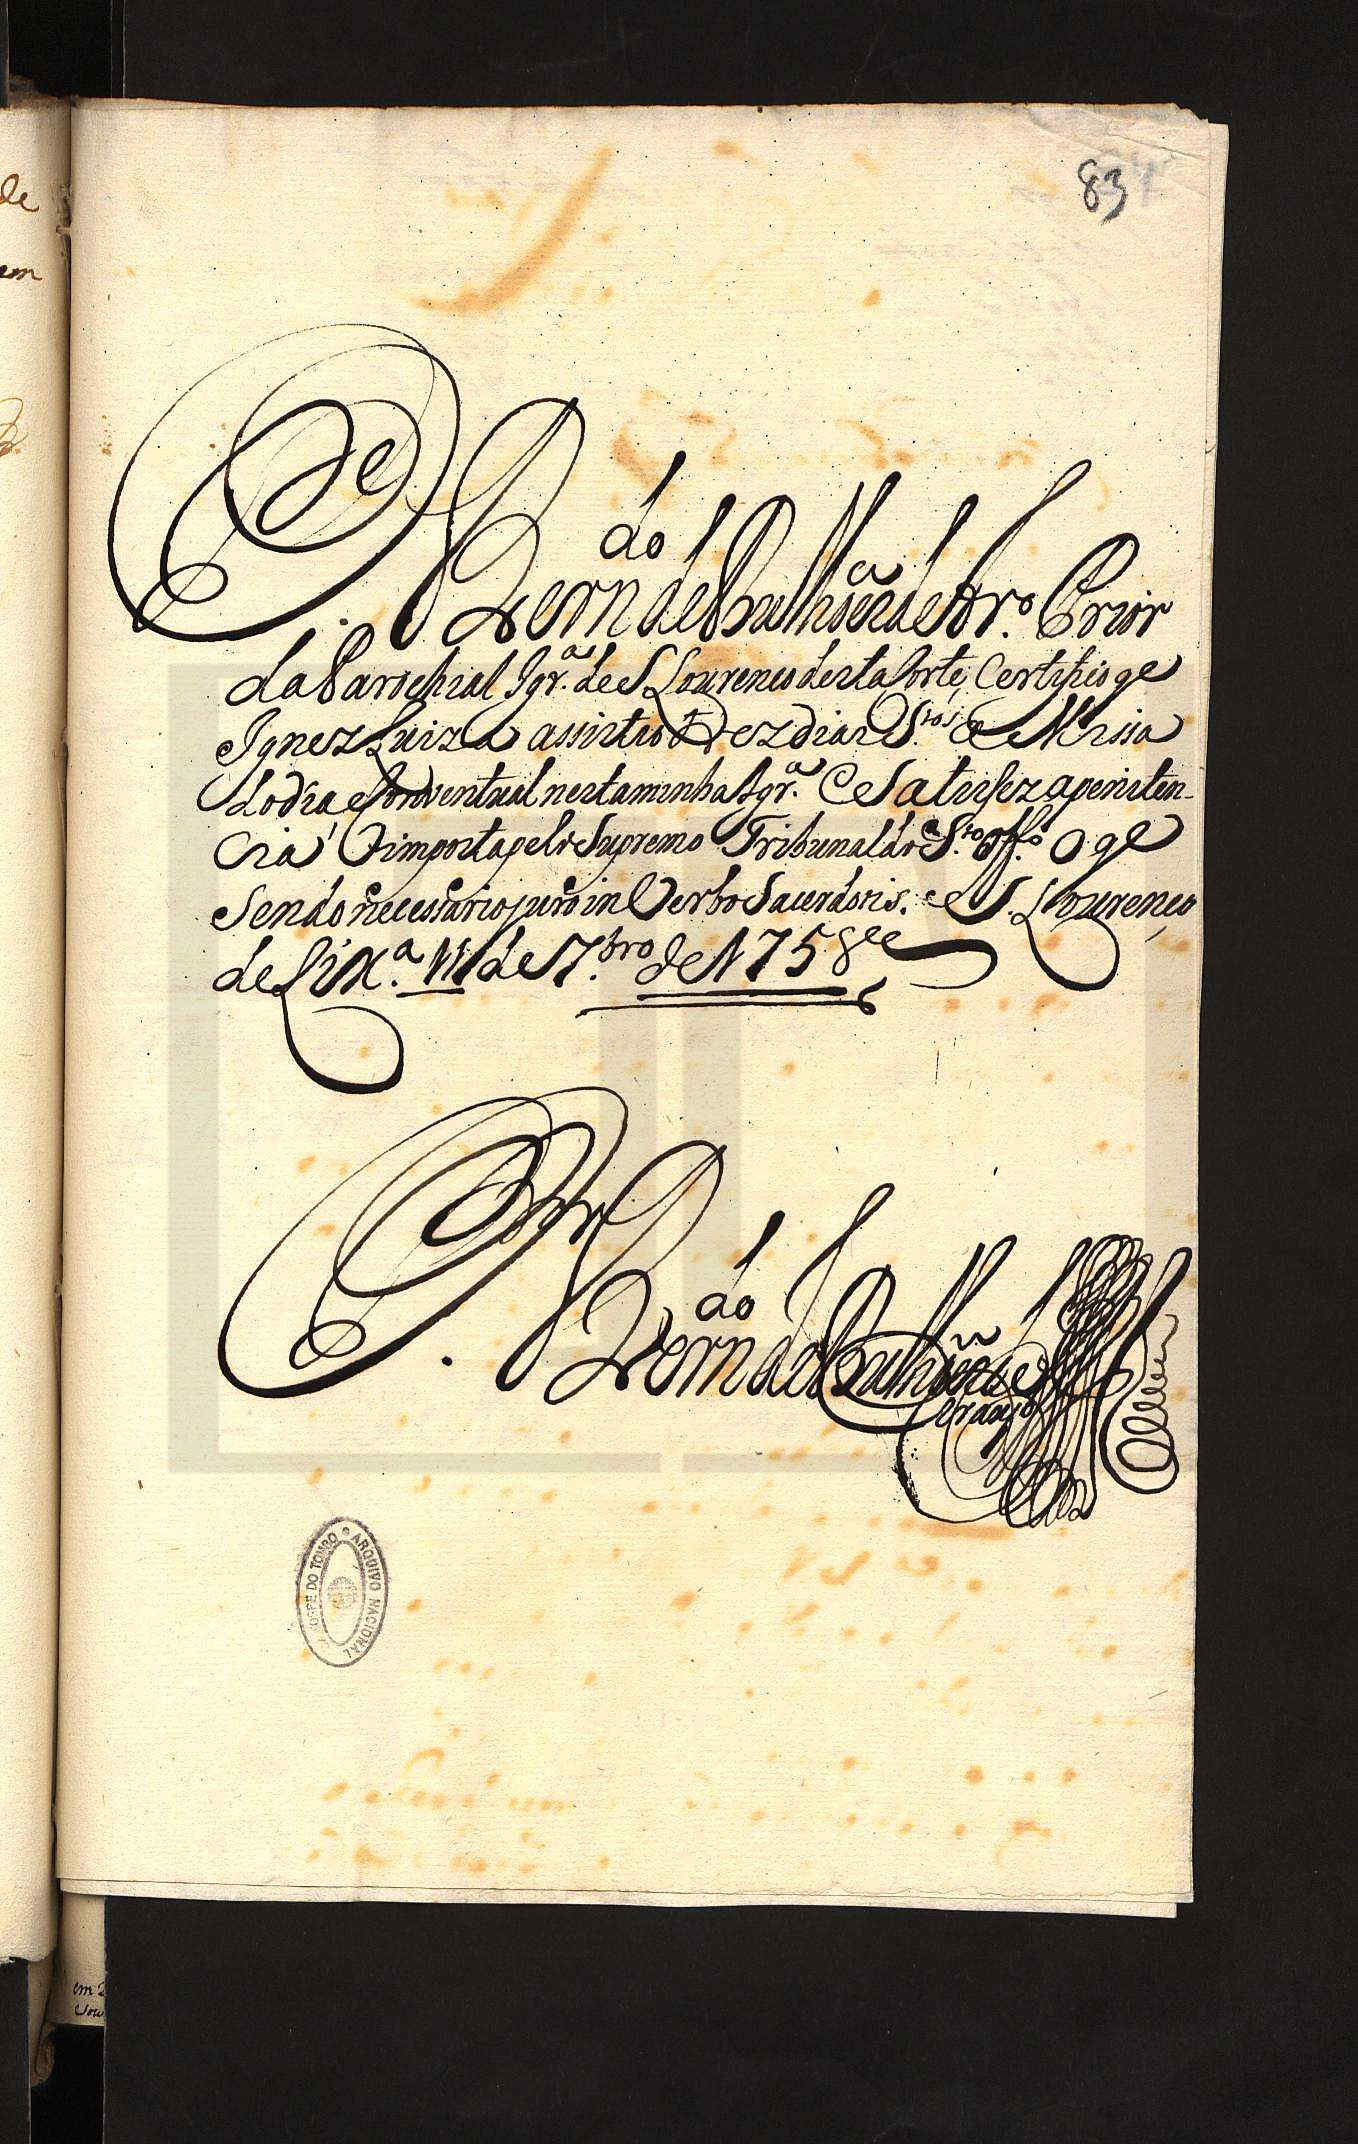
O Pe. Bern.do de Bulhões Ar.o Prior
da Parochial Igr.a de S Lourenço desta Corte, Certifico qe
Ignez Luiza assistio trez dias S.tos a Missa
do dia, e Conventual nesta minha Igr.a e Satisfez a peniten
Cia imposta pelo Supremo Tribunal do S.to off.o O qe
Sendo necessario juro in Verbo Sacerdotis: S. Lourenço
de Lix.a 11 de 7.bro de 1758
O P.ror Berndo de Bulhões
Araujo
